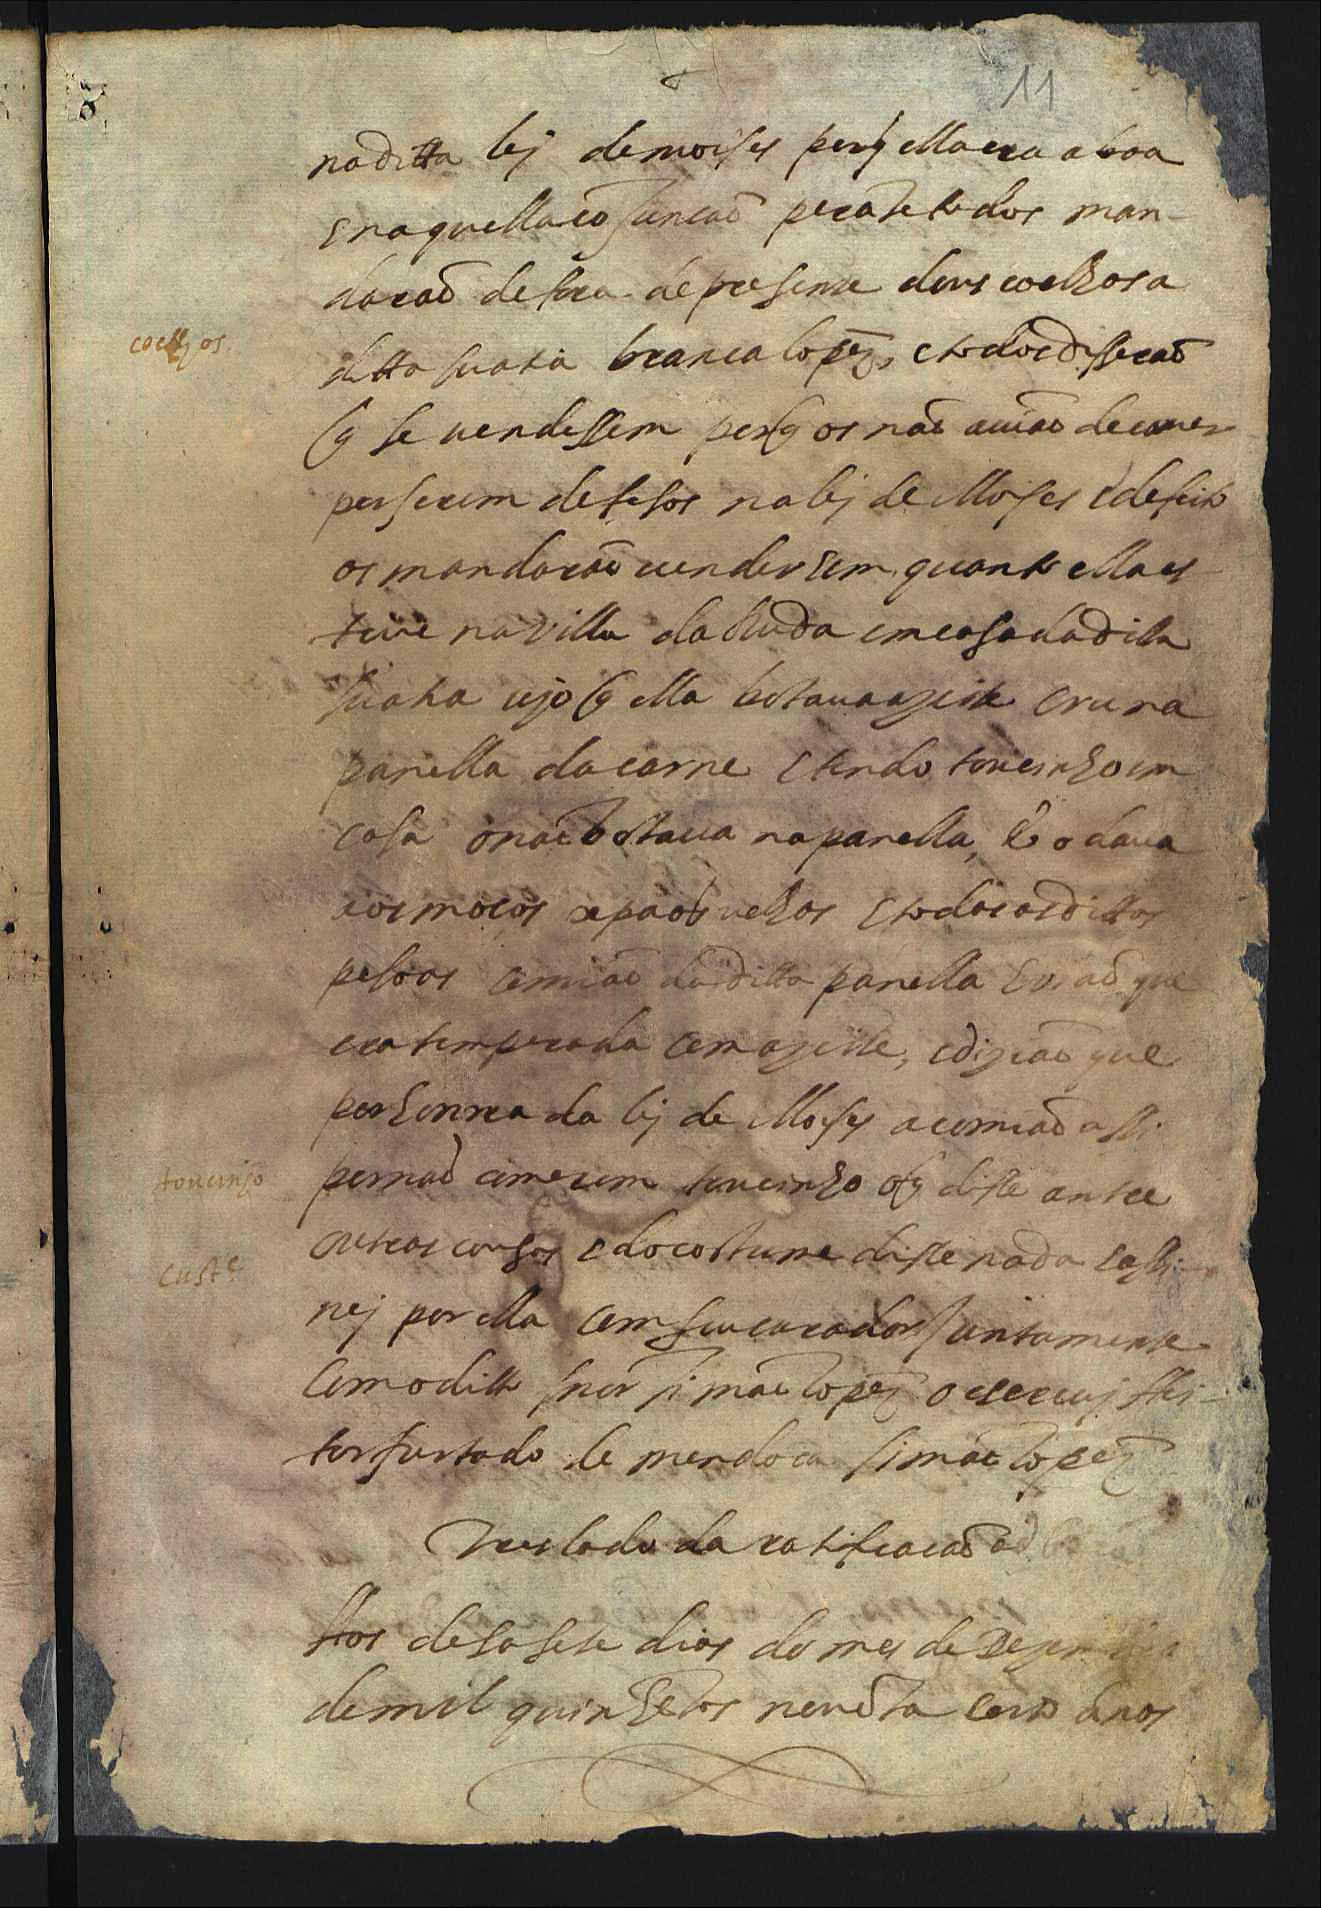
na ditta lej de moises porq̄ ella era a boa
E naquella cōJunçaõ perāte todos man
daraõ de fora de presente dous coelhos a
ditta sua tia branca lopēz, e todos disseraõ
q̄ se uendessem porq̄ os naõ auiaõ de comer
por serem defesos na lej de Moises e de feito
os mandaraõ uender E em quanto ella es
teue na Villa daRuda em casa da ditta
sua tia ujo q̄ ella botaua azeite cru na
panella da carne E tendo toucinho em
casa o naõ botaua na panella, E o daua
aos mocos xpaos uelhos E todas as dittas
pesoas comiaõ da ditta panella E viaõ que
era temperada com azeite, e dizião que
por honrra da lej de Moises a comiaõ assi
per naõ comerem toucinho o q̄ disse antre
outras cousas E do costume disse nada E assi
nej por ella com seu curador Juntamente
Com o ditto Snor̄ Simão Lopes o escrevi Hei
tor furtado de mendoca Simão Lopēz
Treslado da ratificacaõ ad
Aos desasete dias do mes de Dezembro
de mil quinh̄etos nouēta e oito an̄os
